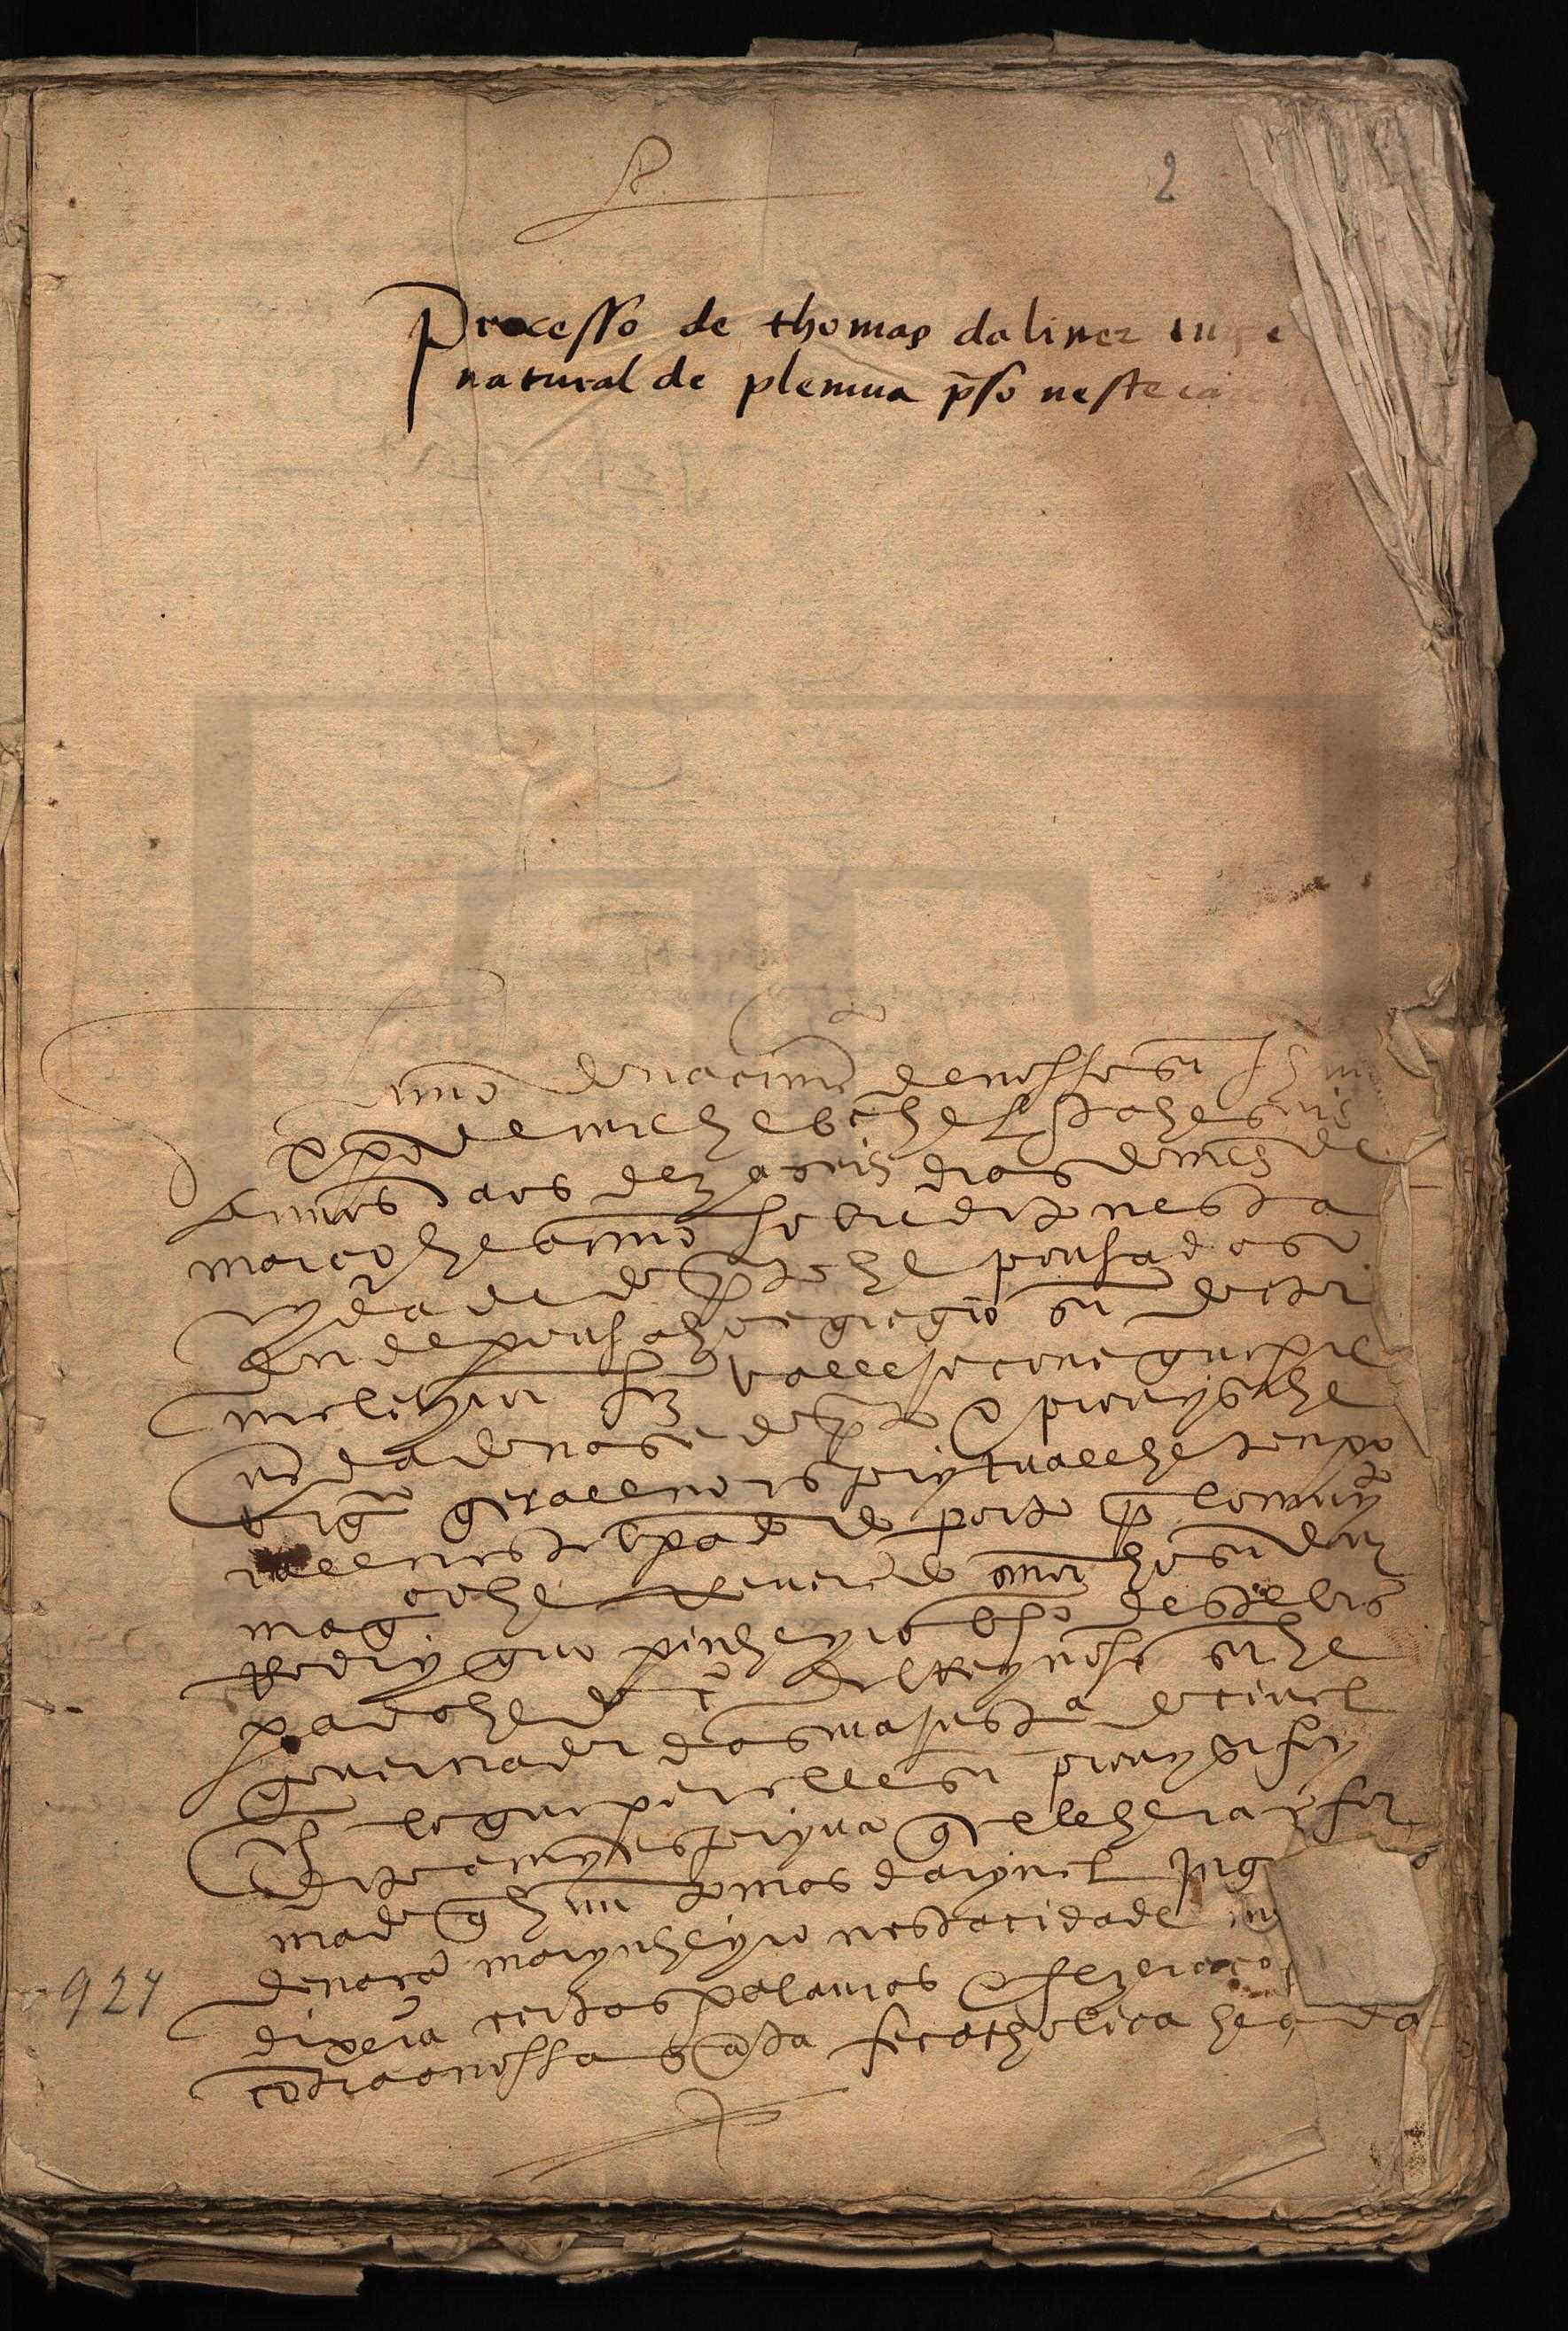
Processo de thomas daliner ingre
natural de plemua p̄so neste carcere
Anno do nacimto de nosso s̄or Jhuu
xp̄o de mil he bc he Lta he seis
ann̄os aos dezaseis dias do mēs de
março he anno sobredito nesta
cydade do p̄to he pousadas
donde pousa ho egregio s̄or doctor
melchior frz̄ vallejo coneguo pre
uēdado na se do p̄to e prouysor he
vigro gerall no esprytuall he tenpo
rall neste b̄pado do porto p̄lo muyto
magco he Reuerēdo s̄enor ho s̄or dom
Rodryguo pinheyro b̄po deste bis
pado he do co del Rey noso s̄or he
gouernador da sua justa do ciuel
c̄ꝭ loguo por elle s̄or prouysor foy
dito a mȳ espryuā q̄ elle hera ēfor
mado q̄ hūu tomas darynel Jng
de naçā marynheyro nesta cidade m
dixera certas palauras e fezera co
cōtra a nossa sāta fe catholica he
